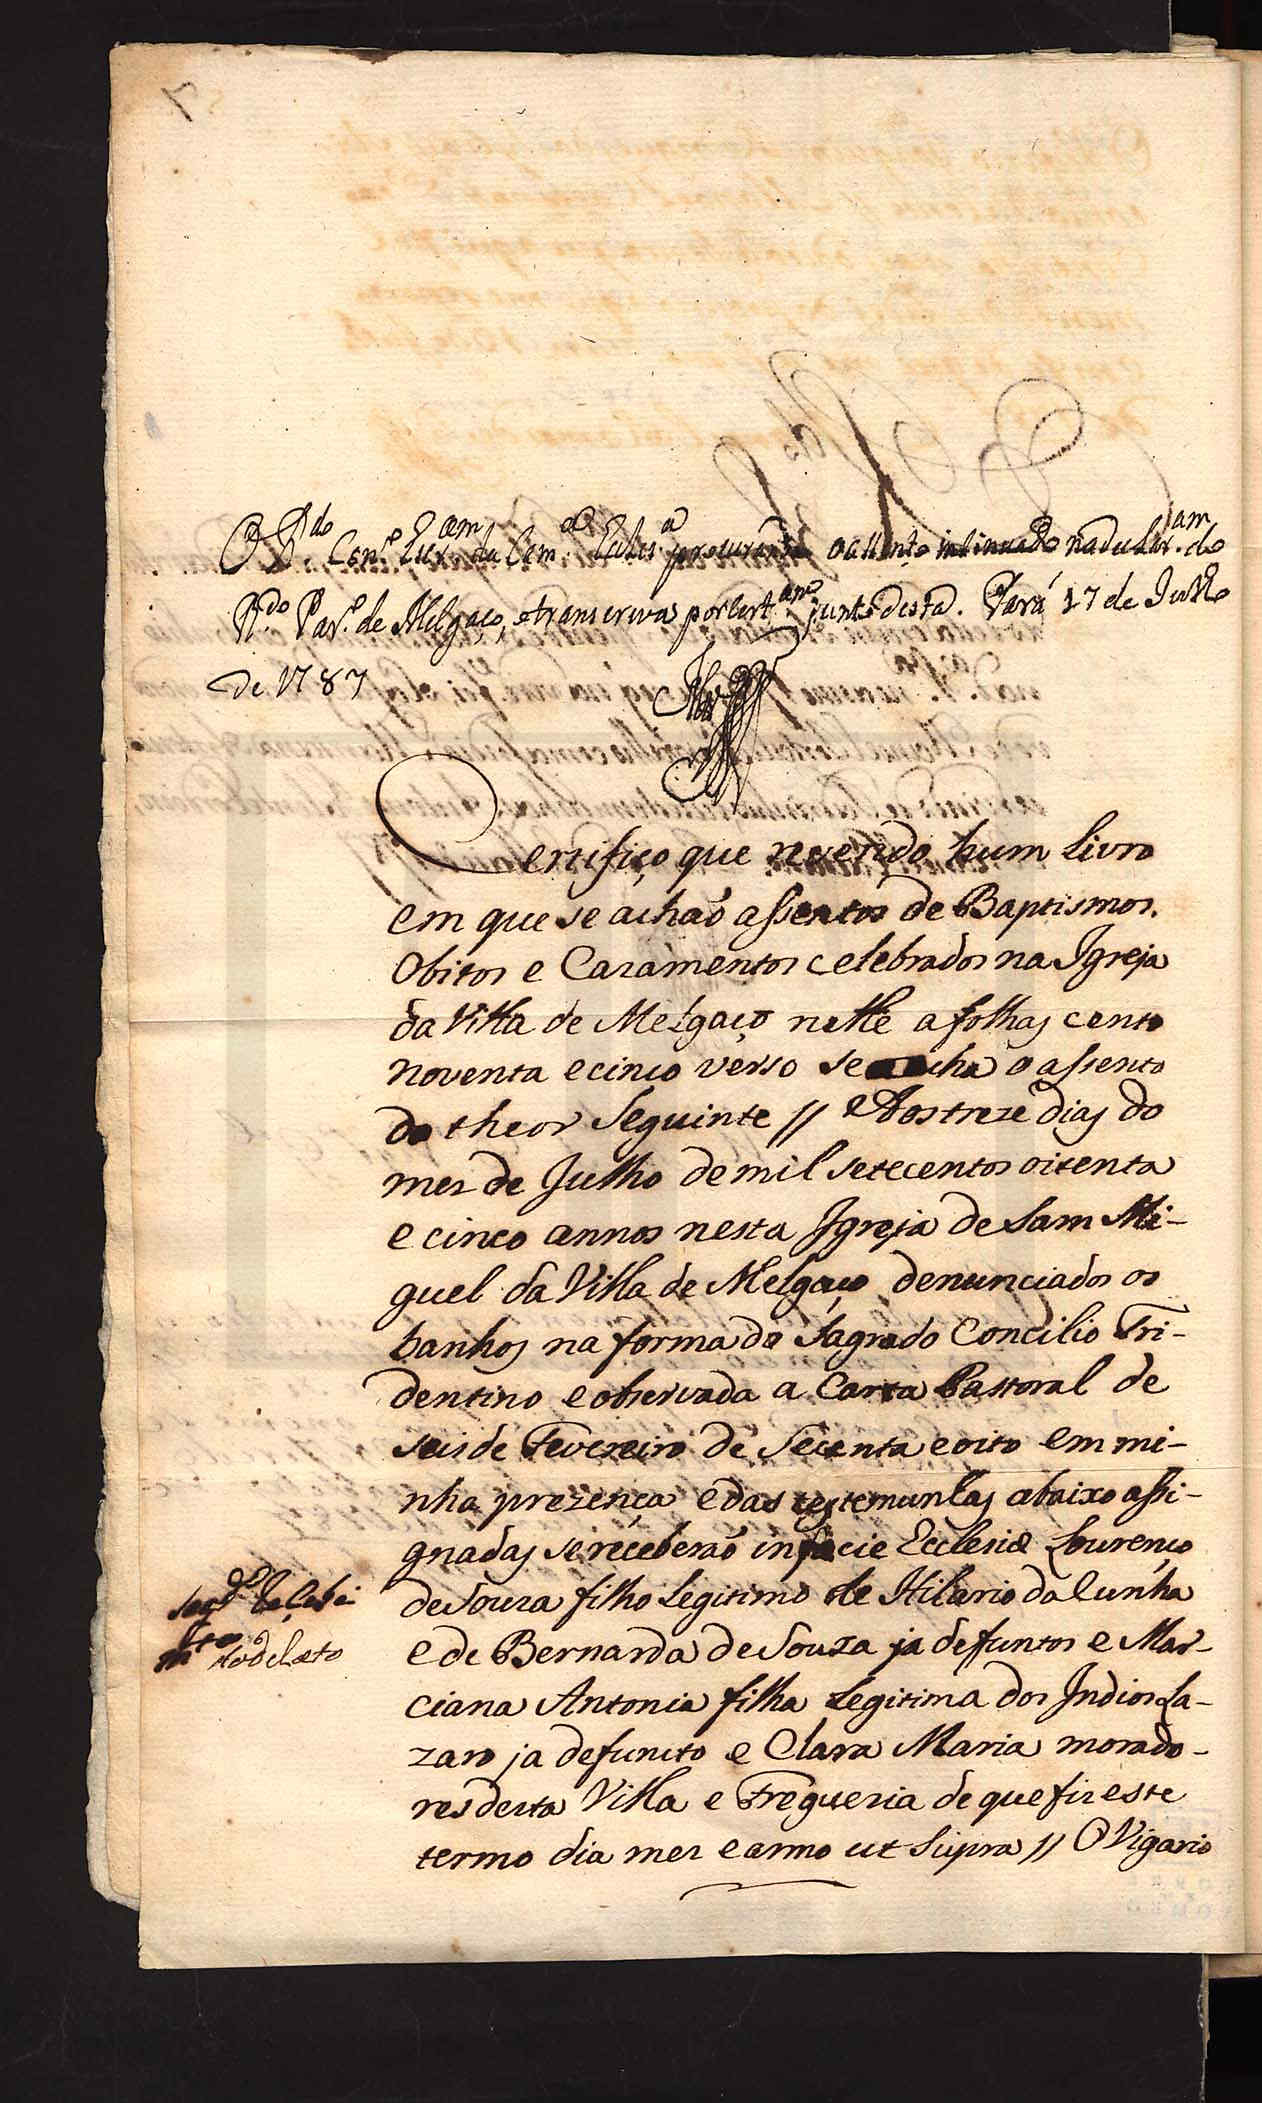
O R.do Con.so Escr.vam da Cam.a Eccles.a procurad_ o assento indicado na declar.am do
R.do Par.o de Melgaço e transcrevos por cert.am junto desta. Pará 17 de Iulho
de 1787
Certifiço que revendo hum livro
em que se achaõ assentos de Baptismos,
Obitos e Cazamentos celebrados na Jgreja
da Villa de Melgaço nelle a folhas cento
noventa e cinco verso se a acha o assento
do theor Seguinte // Aos treze dias do
mes de Julho de mil setecentos oitenta
e cinco annos nesta Igreja de Sam Mi
guel da Villa de Melgaço denunciados os
banhos na forma do Sagrado Concilio Tri
dentino e observada a Carta Pastoral de
seis de Fevereiro de Secenta e oito em mi
nha prezença e das testemunhas abaixo assi
gnadas se receberaõ in facie Ecclesia Lourenço
de Souza filho Legitimo de Hilario da Cunha
Seg.do Reçebi
e de Bernarda de Souza ja defuntos e Mar
m.to no delato
ciana Antonia filha legitima dos Jndios La
zaro ja defunto e Clara Maria morado
res desta Villa e Freguezia de que fiz este
termo dia mes e anno ut Supra // O Vigario
